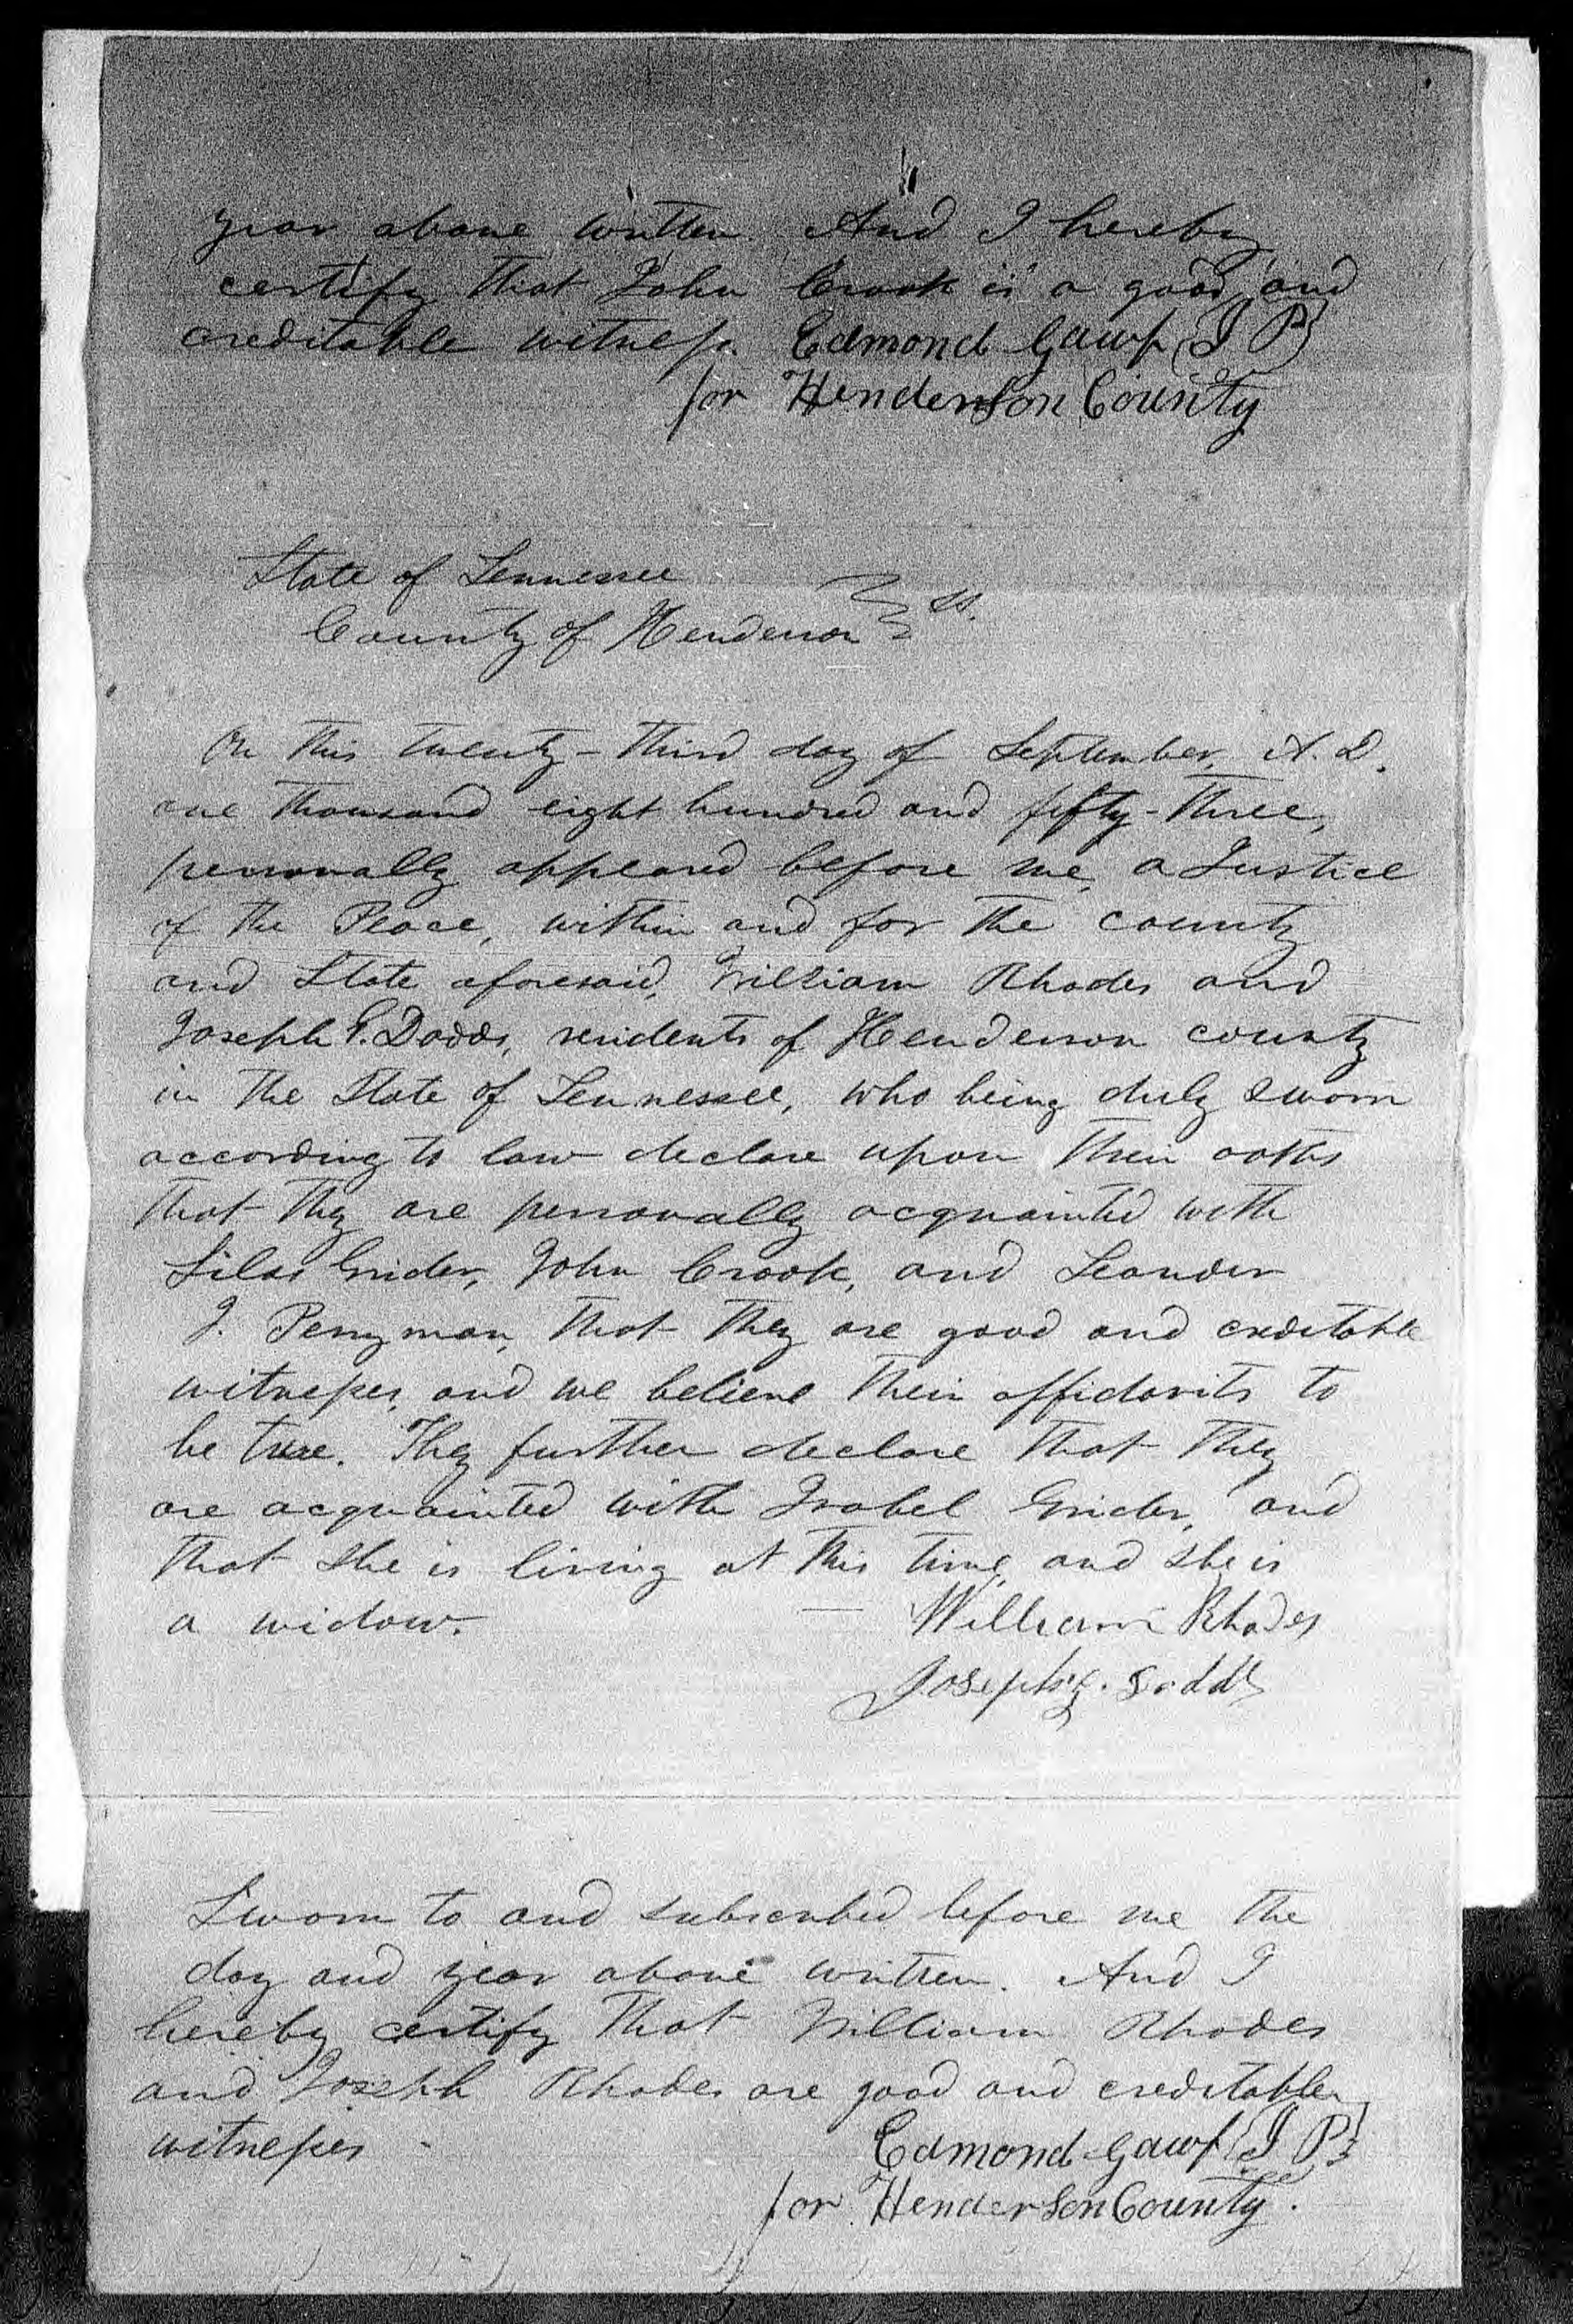year above written.  And I hereby certify that John Crook is a good and creditable witness. 

Edmond Gawf (JP) for Henderson County

State of Tennessee
County of Henderson

On this twenty-third day of September A.D. one thousand eight hundred and fifty-three, personally appeared before me a Justice of the Peace, within and for the county and State aforesaid William Rhodes and Joseph P. Dodds, residents of Henderson county in the State of Tennessee, who being duly sworn according to law declare upon their oaths that they are personally acquainted with Silas Grider, John Crook, and Leander J. Pennyman.  That they are good and creditable witnesses, and we believe their affidavits to be true.  They further declare that they are acquainted with Isabel Grider, and that she is living at this time and she is a widow.

William Rhodes
Joseph G. Dodds

Sworn to and subscribed before me the day and year above written.  And I hereby certify that William Rhodes and Joseph Rhodes are good and creditable witnesses.

Edmond Gawf (JP) for Henderson County.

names: William Rhodes, Joseph G Dodds, Edmond Gawf, Joseph G Dodds, Silas Grider, Isabel Grider, John Crook, William Rhodes, Edmond Gawf, Joseph Rhode, John Crook, William Rhodes, Leander J Perryman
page: 17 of 91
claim: widow's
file: W 358, John Grider, N.C.